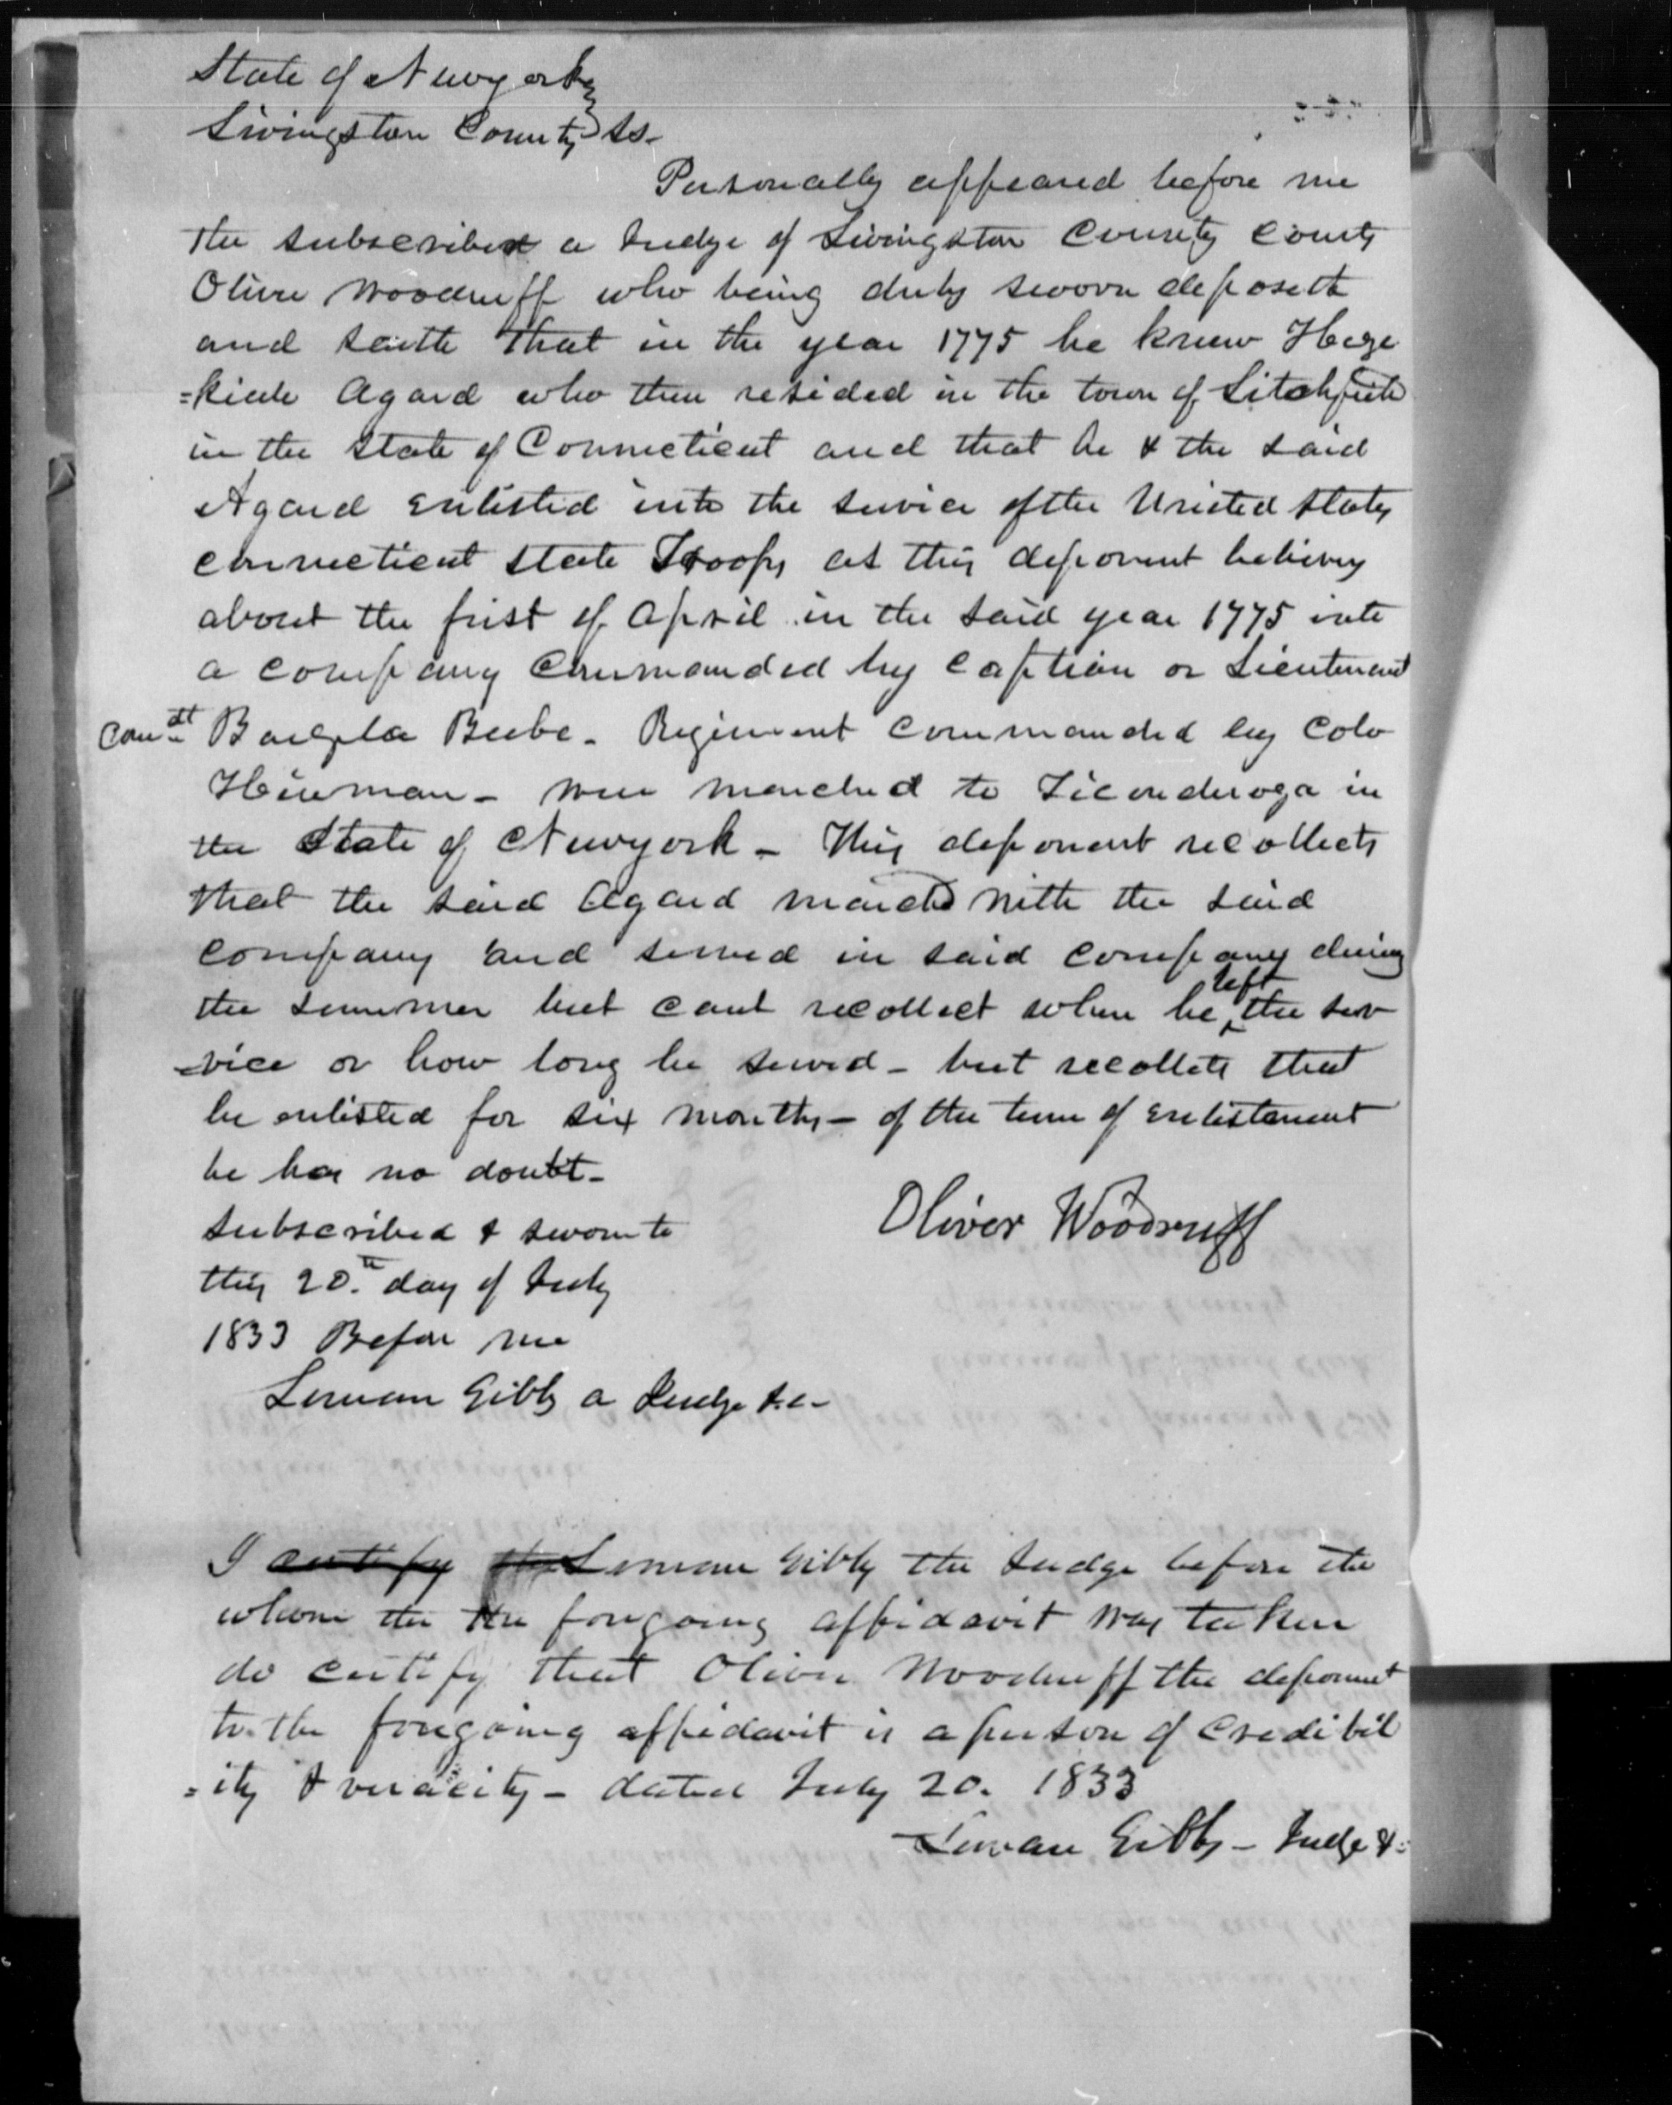State of Newyork
Livingston County ss
Personally appeared before me
the subscribed a Judge of Livingston County Court
Oliver Woodruff who being duly sworn deposeth
and saith that in the year 1775 he knew Hezekiah Agard who then resided in the town of Litchfield
in the State of Connecticut and that he & the said
Agard enlisted into the service of the United States
Connecticut State Troops as this deponent believes
about the first of April in the said year 1775 into
a company commanded by Captain or Lieutenant Contt
Barela Beebe - Regiment commanded by Colo
Hinman. were marched to Ticonderoga in
the State of New York. This deponent recollects
that the said Agard marched with the said
company and served in said company during the
summer but cant recollect when he left the service or how long he served-- but recollects that
he enlisted for six months of the time of enlistment
he has no doubt-
Subscribed & sworn to
Oliver Woodruff
this 20th day of July
1833 Before me
Leman Gibbs a Judge
Leman Gibbs the Judge before the
whom the the foregoing affidavit was taken
do certify that Oliver Woodruff the deponent
to the foregoing affidavit is a person of credibility & veracity - dated July 20. 1833
Leman Gibbs - Judge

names: Oliver Woodruff, Leman Gibbs, Oliver Woodruff, Leman Gibbs, Agard, Hinman, Bargila Beebe, Leman Gibbs, Agard, Hezekiah Agard, Oliver Woodruff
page: 9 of 19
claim: survivor's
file: S. 23,092, Hezekiah Agard, Conn.